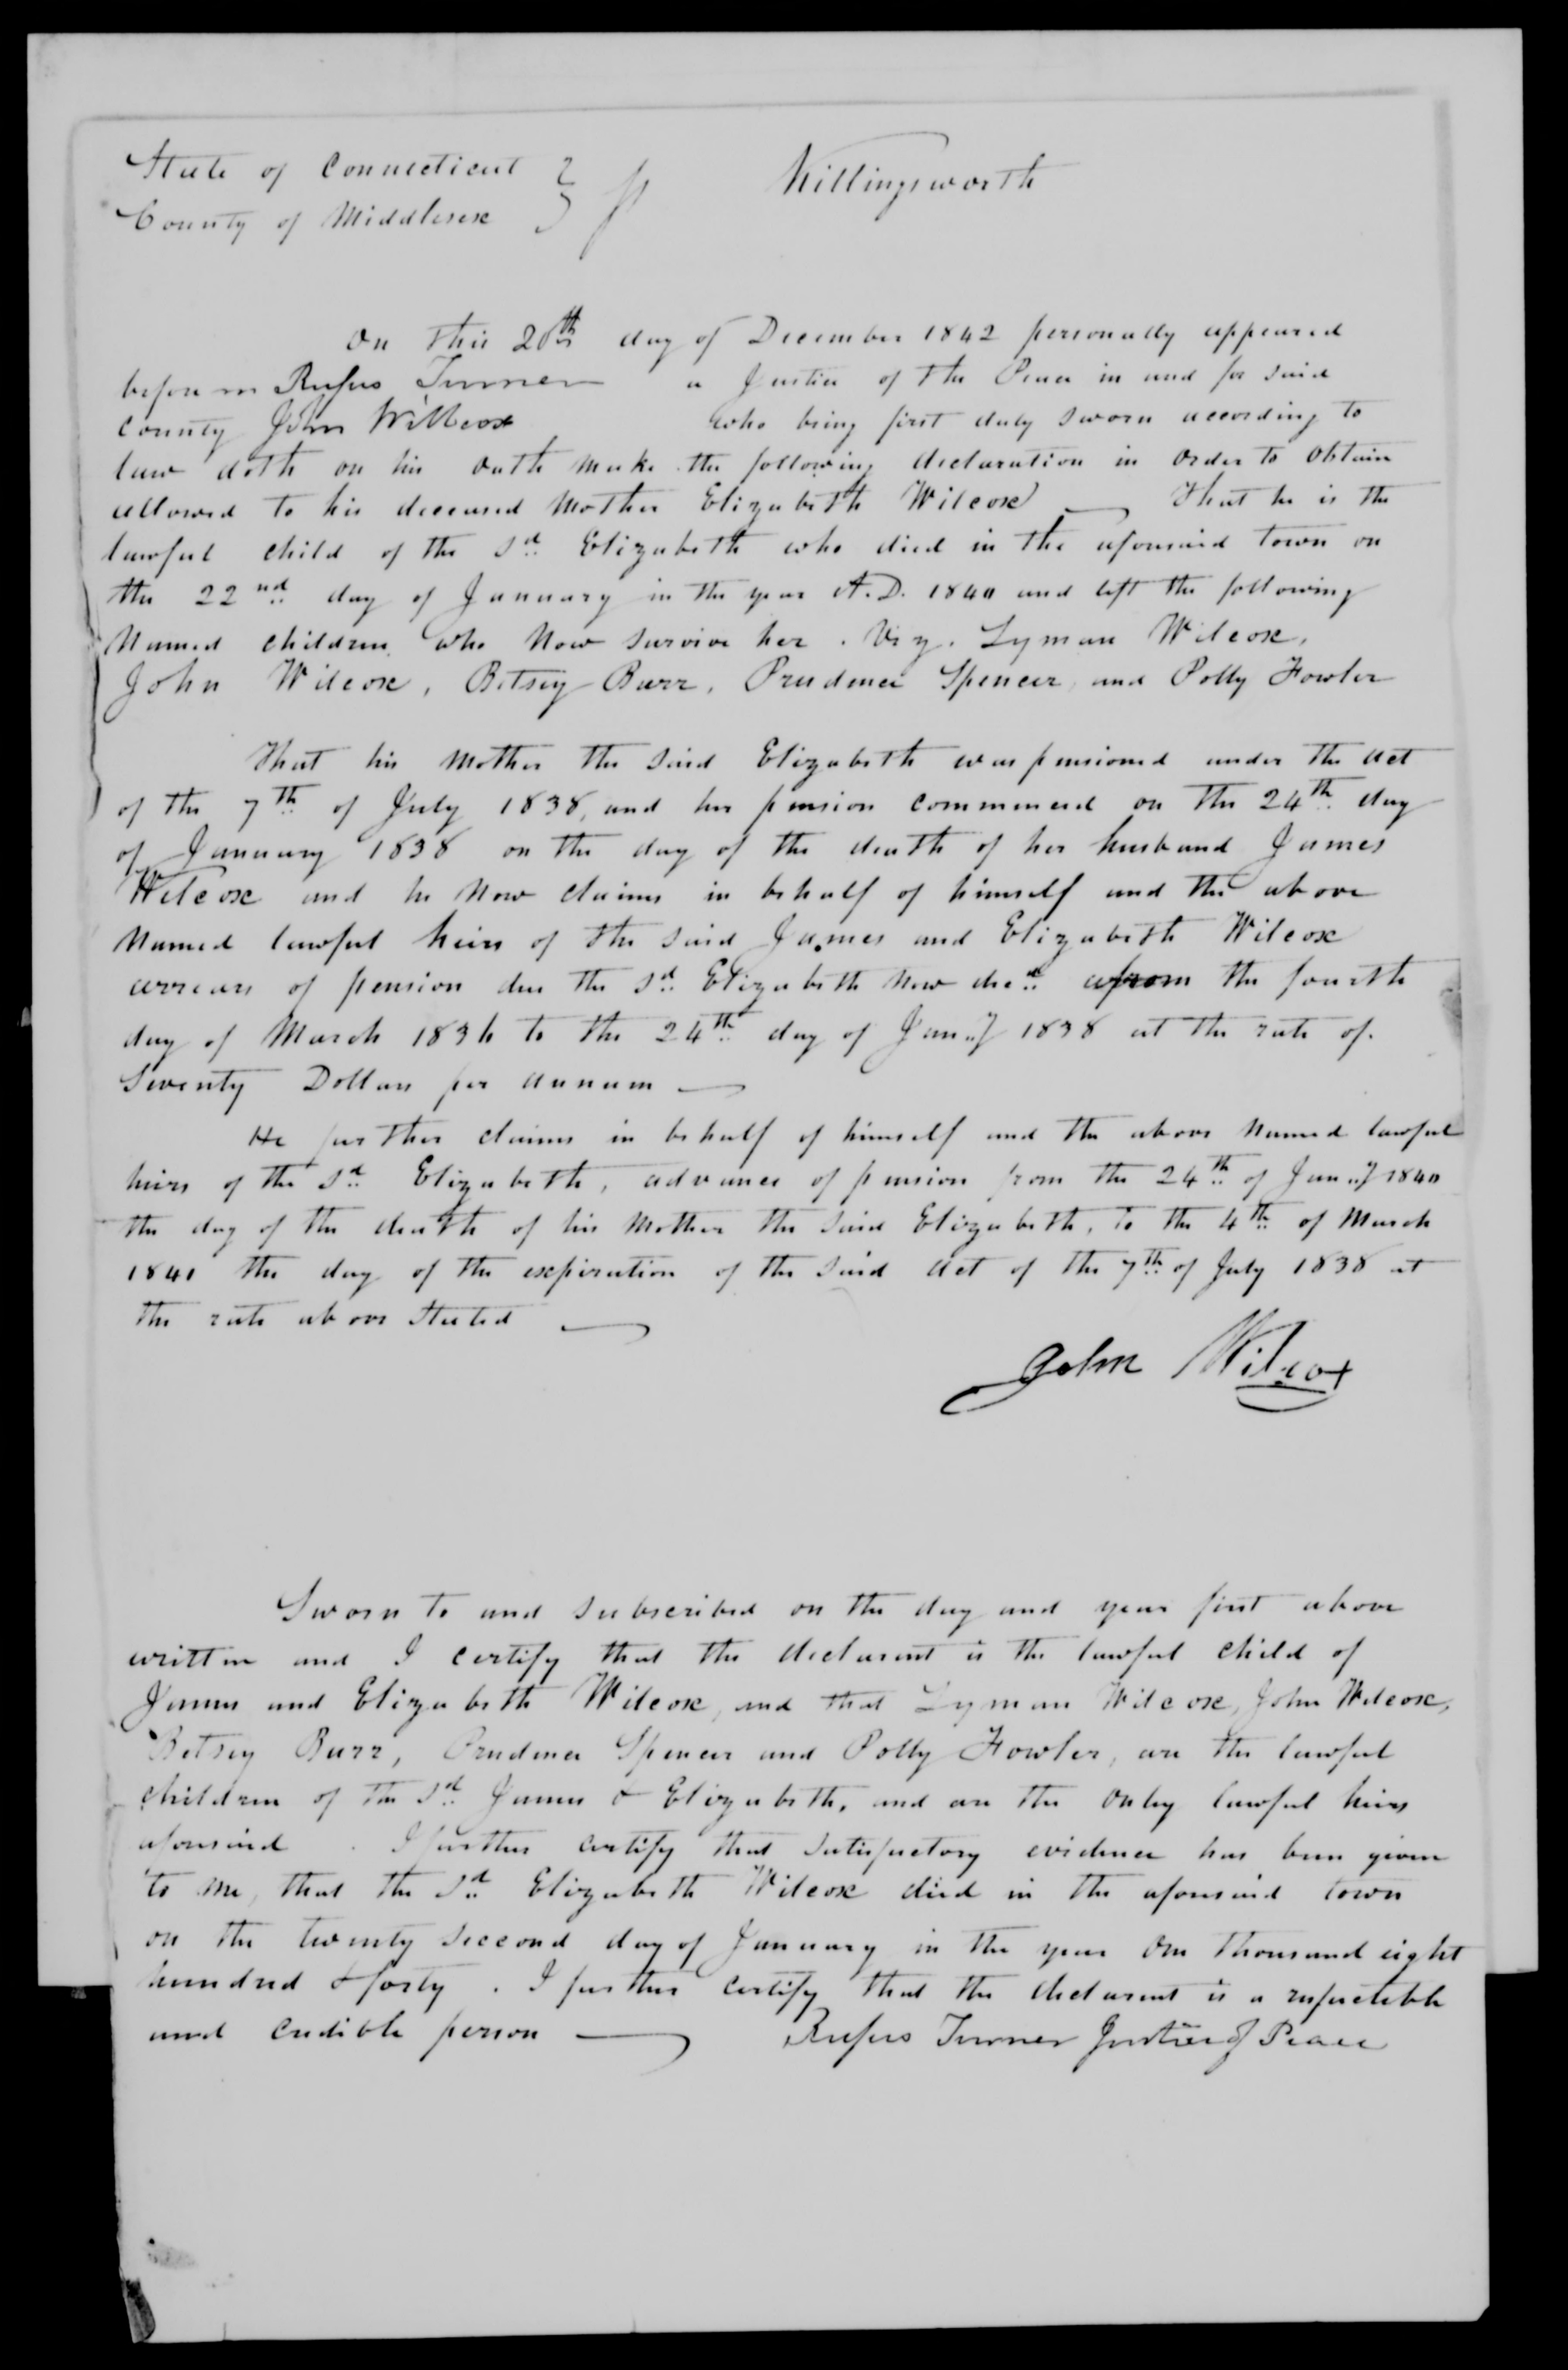State of Connecticut
County of Middlesex
Willingsworth
On this 20th day of December 1842 personally appeared before me Rufus Turner a Justice of the Peace in and for said County John Willcox who being first duly sworn according to law doth on his oath make the following declaration in order to obtain allowed to his deceased Mother Elizabeth Wilcox—That he is the lawful child of the sd Elizabeth who died in the aforesaid town on the 22nd day of January in the year A.D. 1840 and left the following named children who now survive her. Viz. Lyman Wilcox, John Wilcox, Betsey Barr, Prudence Spencer and Polly Fowler.
That his mother the said Elizabeth was pensioned under the Act of the 7th of July 1838, and her pension commenced on the 24th day of January 1838 on the day of the death of her husband James Wilcox and he now claims in behalf of himself and the above named lawful heirs of the said James and Elizabeth Wilcox arrears of pension due the sd Elizabeth now decd the fourth day of March 1834 to the 24th day of Jany 1838 at the rate of Seventy Dollars per annum—
He further claims in behalf of himself and the above named lawful heirs of the sd Elizabeth, advance of pension from the 24th of Jany 1840 the day of the death of his mother the said Elizabeth, to the 4th of March 1841 the day of the expiration of the said Act of the 7th of July 1838 at the rate above stated—
John Wilcox
Sworn to and subscribed on the day and year first above written and I certify that the declarant is the lawful child of James and Elizabeth Wilcox, and that Lyman Wilcox, John Wilcox, Betsey Burr, Prudence Spencer and Polly Fowler, are the lawful children of the sd James & Elizabeth, and are the only lawful heirs aforesaid. I further certify that satisfactory evidence has been given to me that the sd Elizabeth Wilcox died in the aforesaid town of the twenty second day of January in the year One Thousand eight hundred & forty. I further certify that the declarant is a respectable and credible person— Rufus Turner Justice of Peace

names: John Willcox, Elizabeth Wilcox, John Wilcox, Prudence Spencer, Rufus Turner, Polly Fowler, Lyman Wilcox, James Wilcox, Betsey Burr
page: 4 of 46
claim: widow's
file: W. 18,417, James Willcox, Conn.